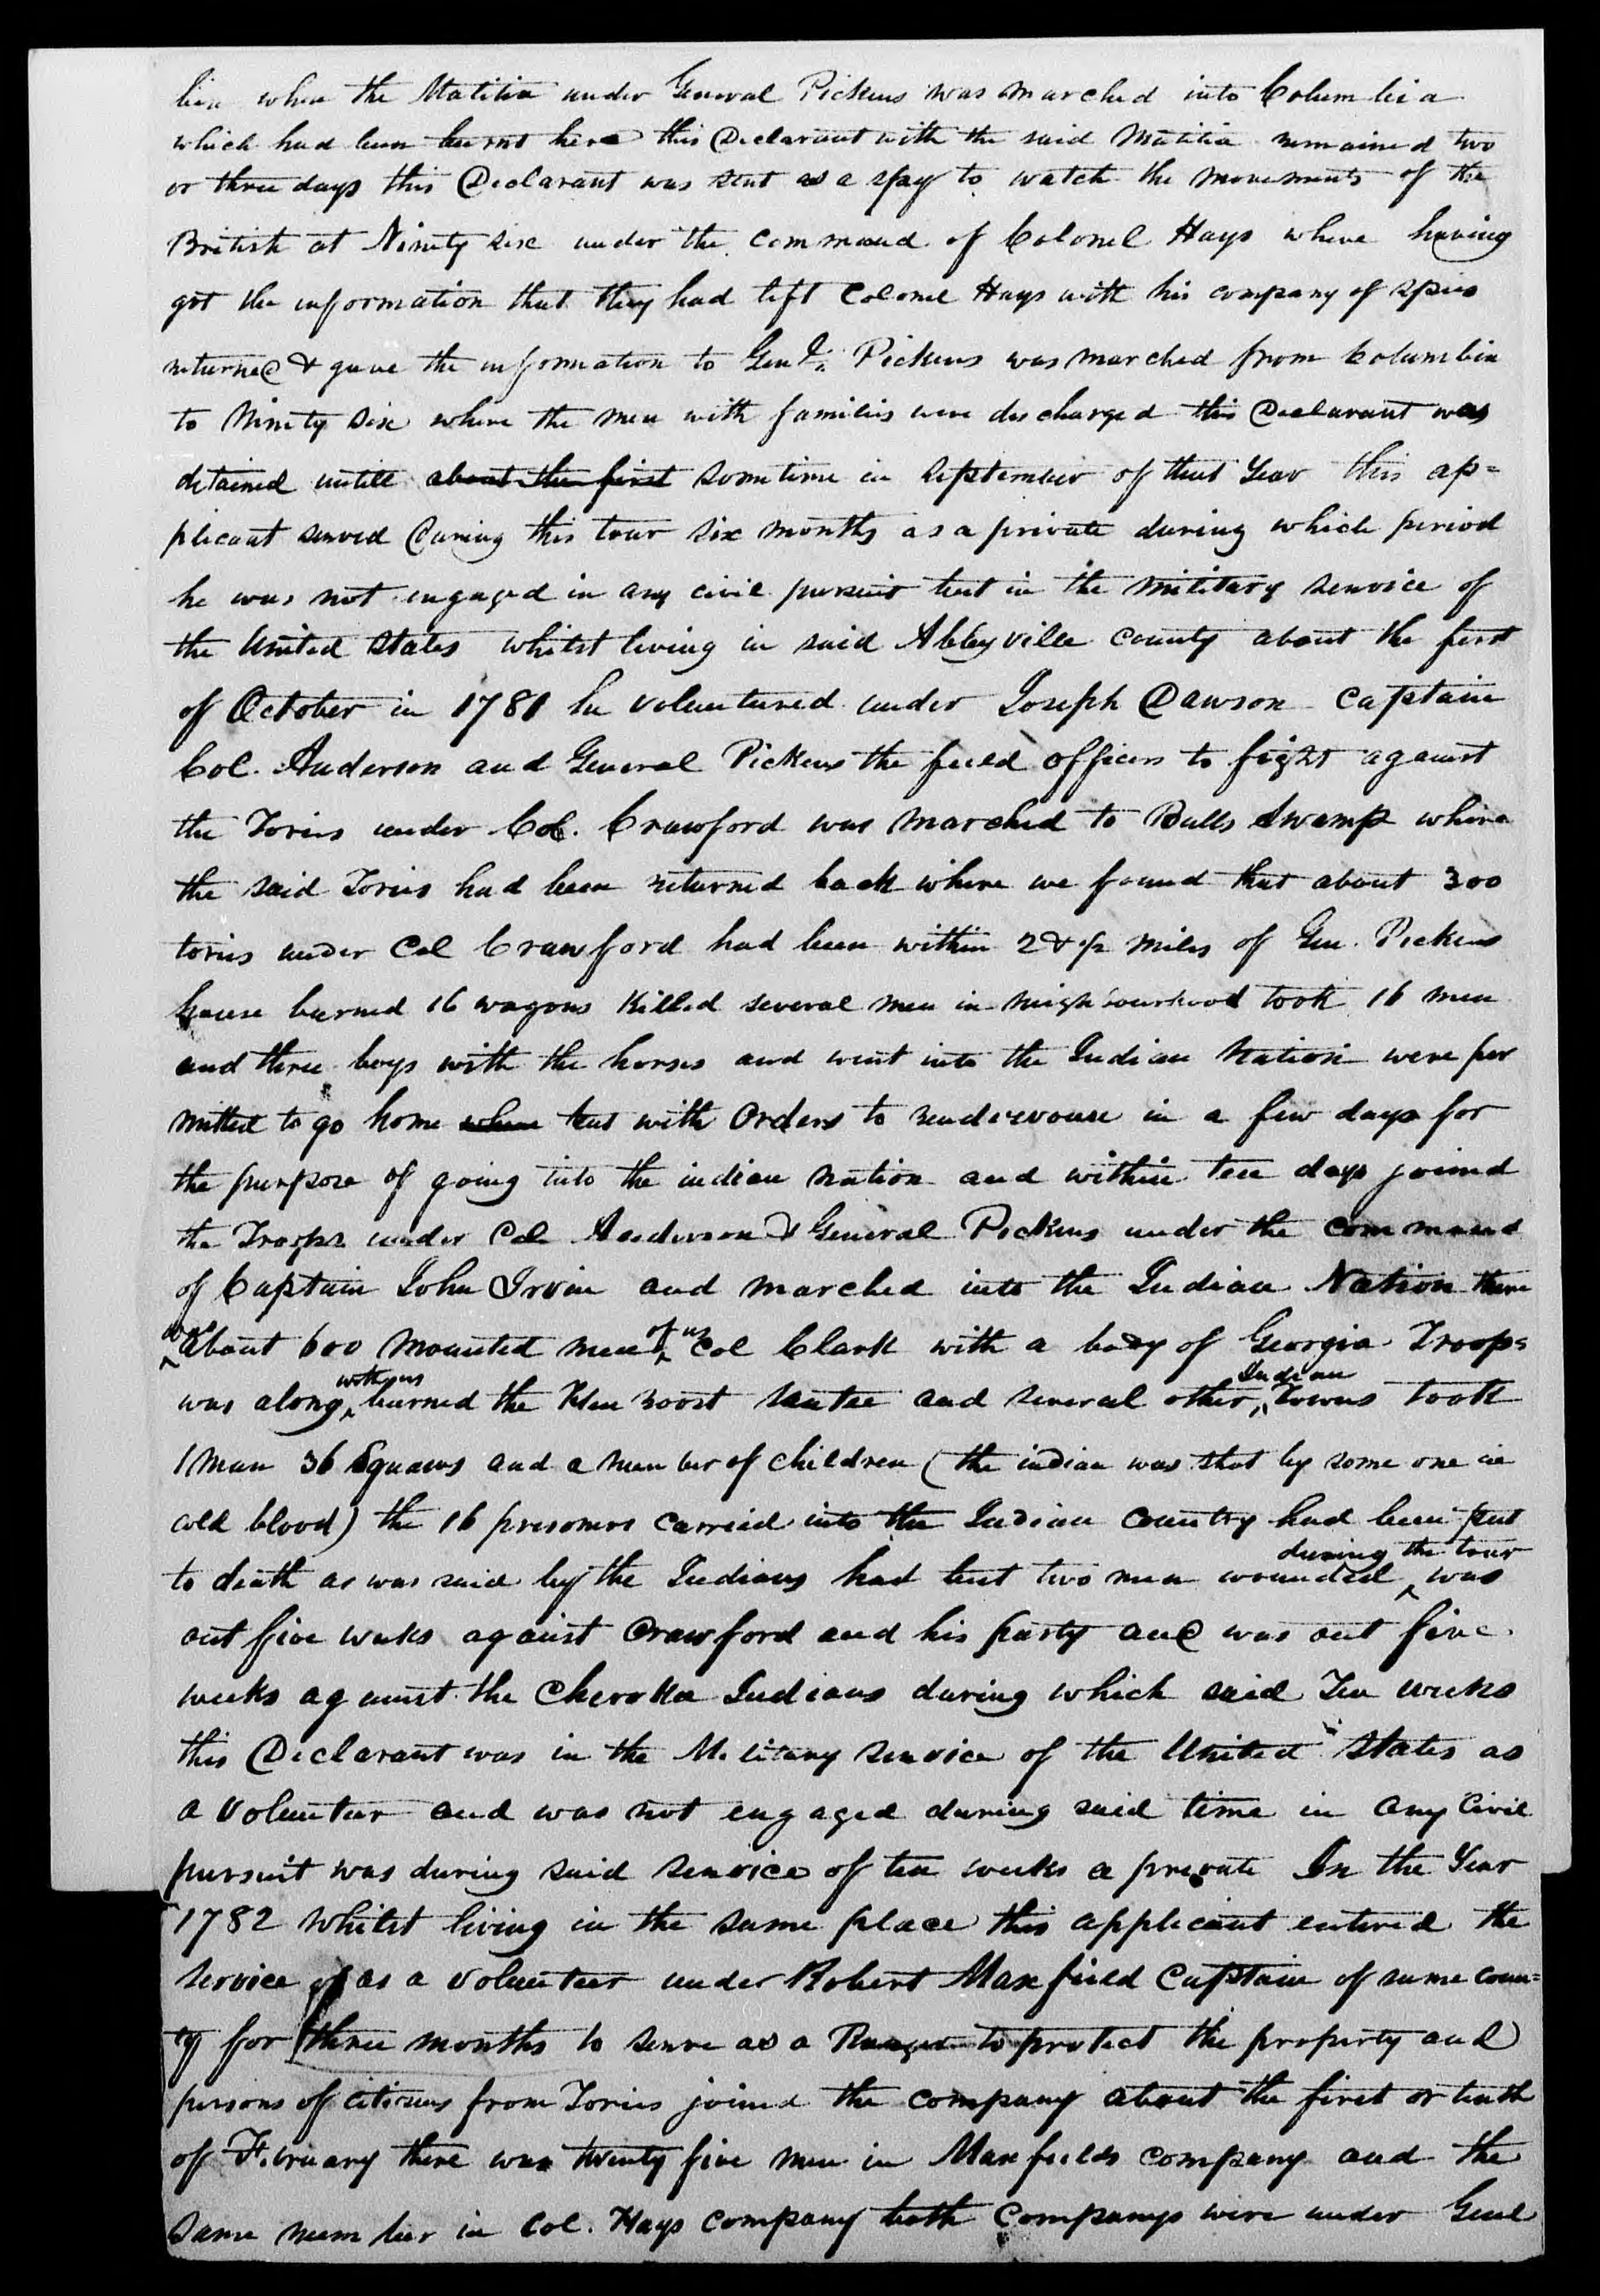him when the Malitia [Militia] under General Pickens was marched into Columbia which had been burnt here this Declarant with the said Malitia [Militia] remained two or three days this Declarant was sent as a spy to watch the movements of the British at Ninety six under the command of Colonel Hays where having got the information that they had left Colonel Hays with his company of Spies returned & give the information to Genl. Pickens was marched from Columbia to Ninety six where the men with families were discharged this declarant was detained untill about the first sometime in September of that year this applicant served during this tour six months as a private during which period he was not engaged in any civil pursuit but in the military service of the United States whilst living in said Abbyville County about the first of October in 1781 he volunteered under Joseph Dawson Captain Col. Anderson and General Pickens the field officers to fight against the Tories under Col. Crawford was marched to Bulls Swamp where the said Tories had been returned back where we found that about 300 tories under Col Crawford had been within 2 & 1/2 miles of Gen. Pickens house burned 16 wagons killed several men in neighbourhood took 16 men and three boys with the horses and went into the Indian Nation were permitted to go home but with orders to rendezvous in a few days for the purpose of going into the indian Nation and within ten days joined the Troops under Col Anderson & General Pickens under the command of Captain John Irvin and marched into the Indian Nation there was about 100 mounted men of us Col Clark with a body of Georgia Troops was along with us burned the [illegible] Boost Santee and several other Indian towns took 1 man 36 Squaws and a number of children (the indian was shot by some one in cold blood), the 16 prisoners carried into the Indian Country had been put to death as was said by the Indians had but two men wounded during the tour was out five weeks against Crawford and his party and was out five weeks against the Cherokee Indians during which said ten weeks this Declarant was in the Military service of the United States as a volunteer and was not engaged during said time in any civil pursuit was during said service of ten weeks a private In the year 1782 whilst living in the same place this applicant entered the Service as a volunteer under Robert Maxfield Captain of same County for three months to serve as a Ranger to protect the property and persons of citizens from Tories joined the company about the first or tenth of February there was twenty five men in Maxfields company and the same number in Col. Hays company both companys [companies] were under Genl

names: John Irvin, Pickens, Crawford, Pickens, Clark, Pickens, Joseph Dawson, Pickens, Pickens, Crawford, Anderson, Crawford, Anderson, Hays, Hays, Robert Maxfield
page: 4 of 27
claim: rejected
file: R. 406, John Baker, S.C.